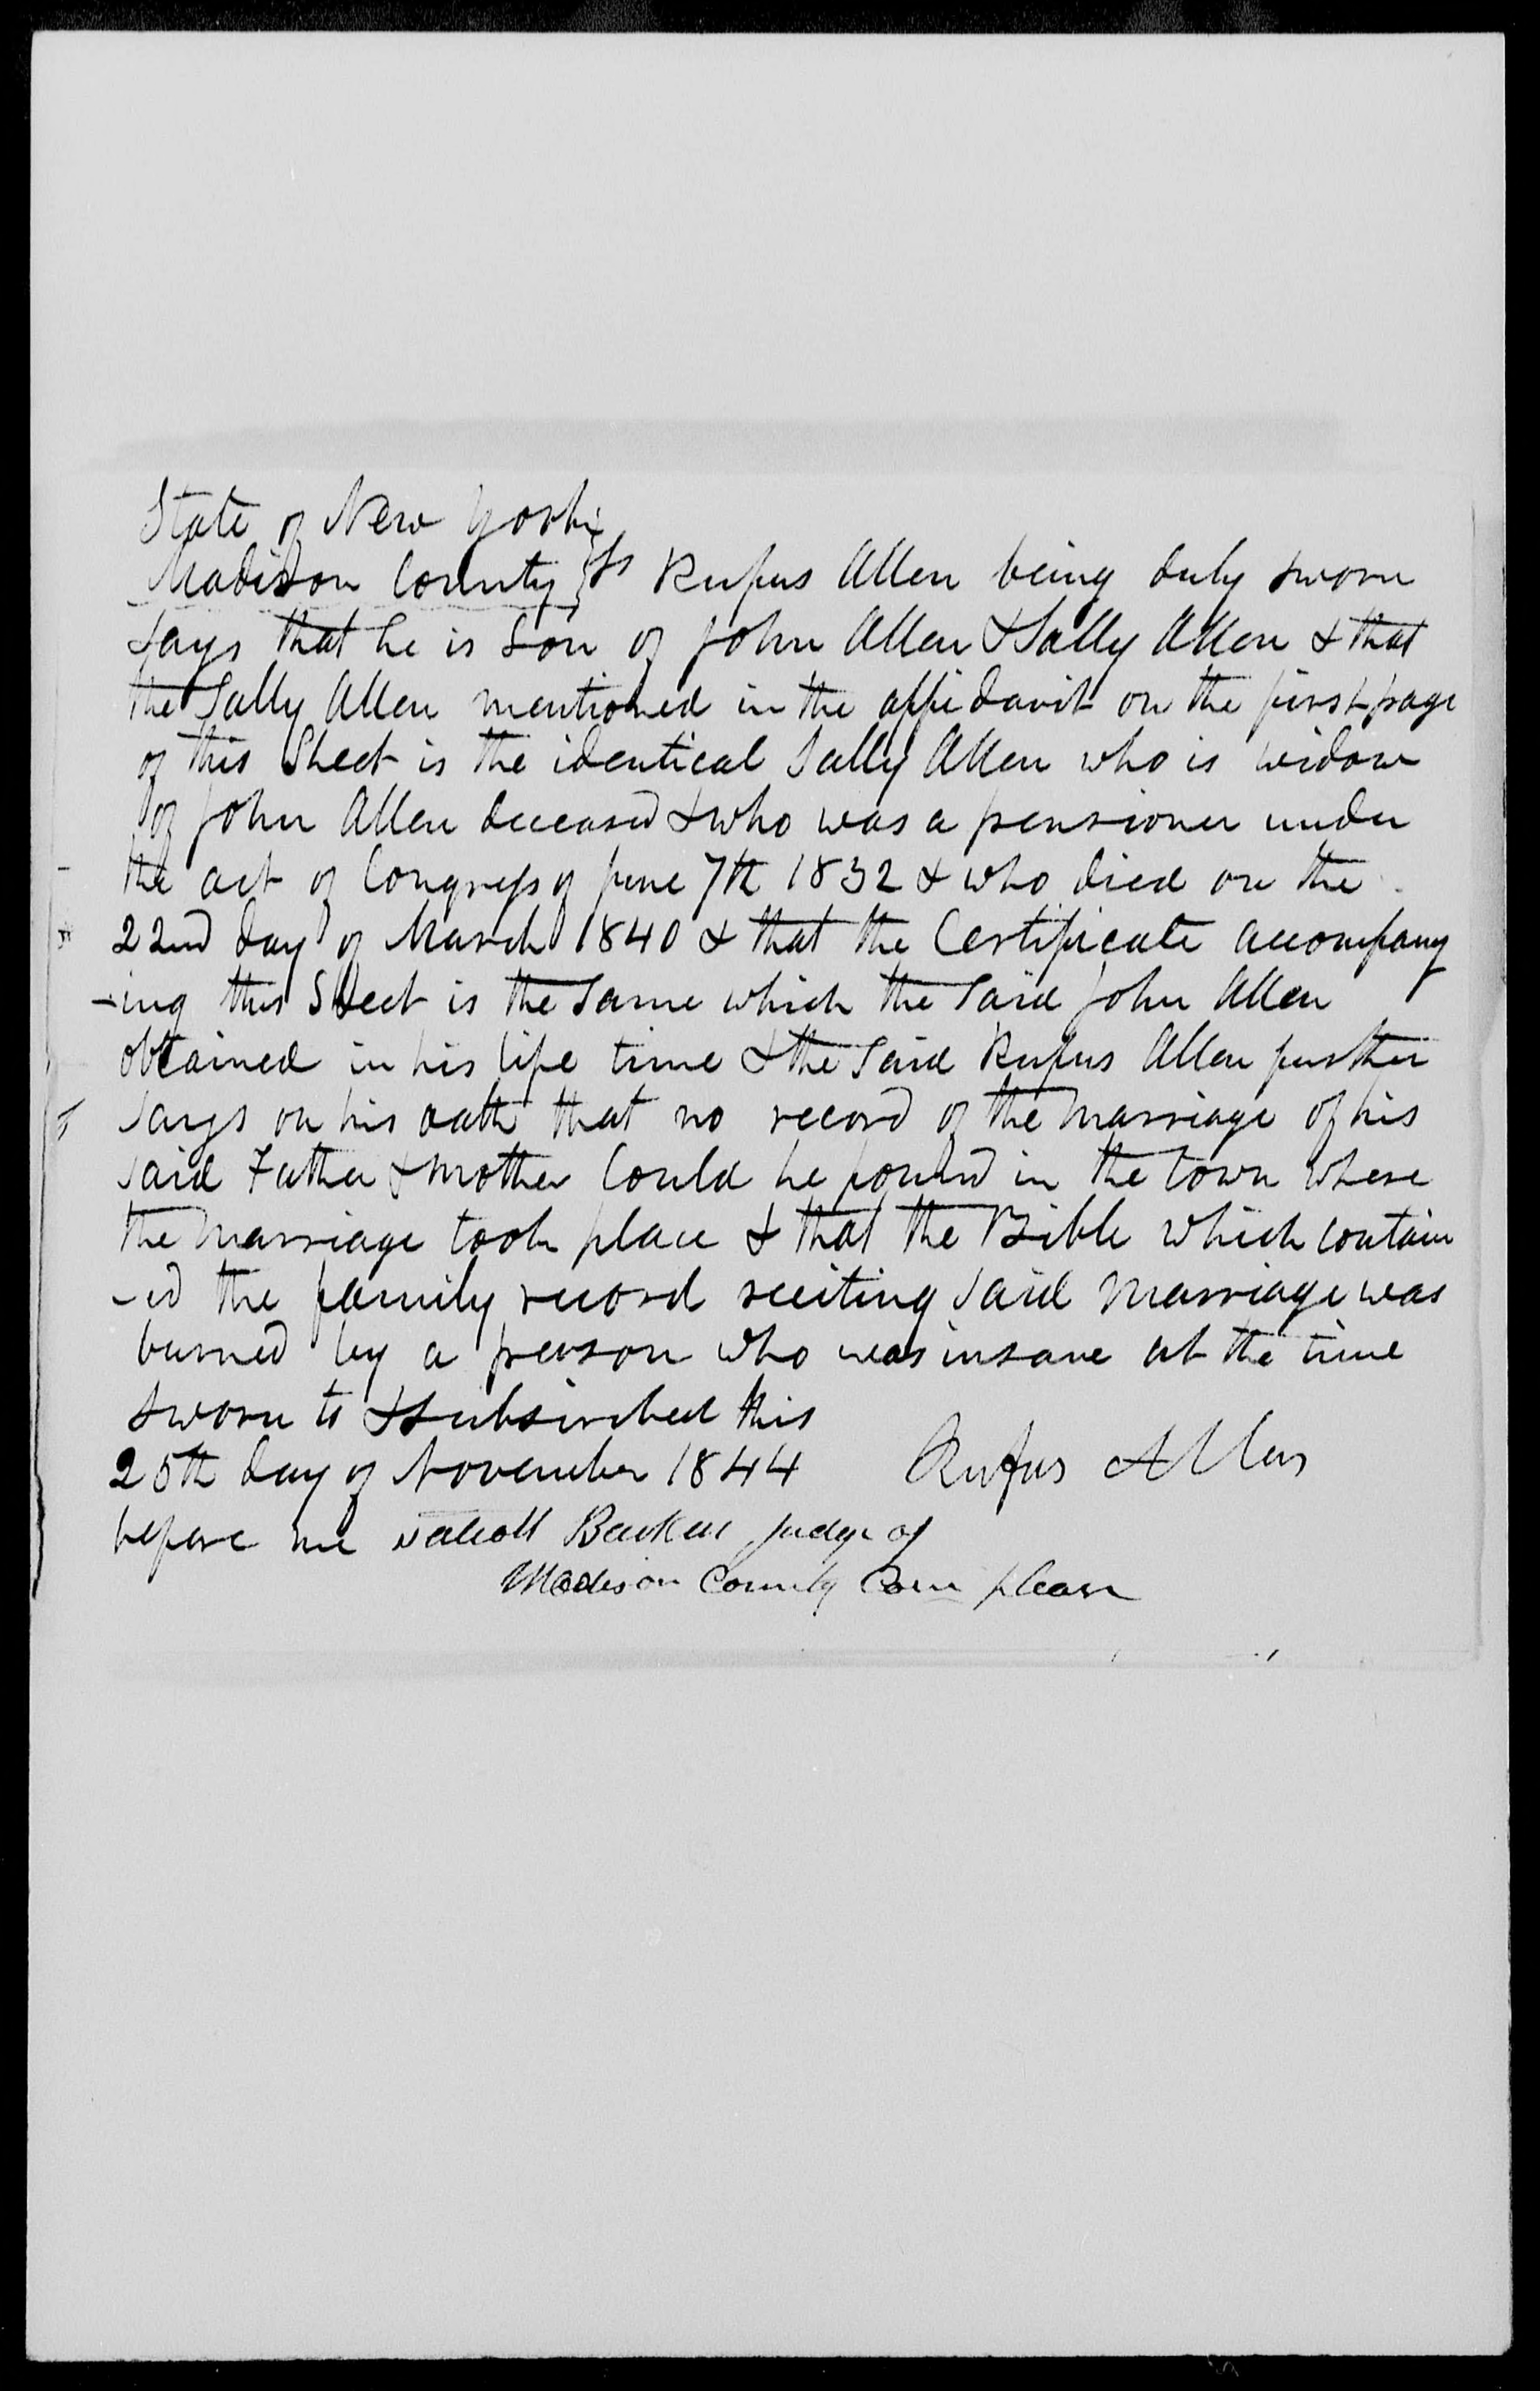State of New York Madison County} S.s. Rufus Allen being duly sworn says that he is son of John Allen & Sally Allen & that the Sally Allen mentioned in the affidavit on the first page of this sheet is the identical Sally Allen who is widow of John Allen deceased & who was a pensioner under the act of Congress of June 7th 1832 & who died on the 22nd day of March 1840 & that the certificate accompanying this sheet is the same which the said John Allen obtained in his life time & the said Rufus Allen further says on his oath, that no record of the marriage of his said Father & mother could be found in the town where the marriage took place & that the Bible which contained the family record reciting said marriage was burned by a person who was insane at the time 
Rufus Allen [signature]
Sworn to and subscribed this 20th day of November 1844 before me Talcott Backus Judge of Madison County Com pleas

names: Talcott Backus, John Allen, Rufus Allen, Sally Allen, Rufus Allen, John Allen, Rufus Allen, John Allen, Sally Allen, Sally Allen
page: 17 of 74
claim: widow's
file: W. 23424, John Allen, Mass. R. I.